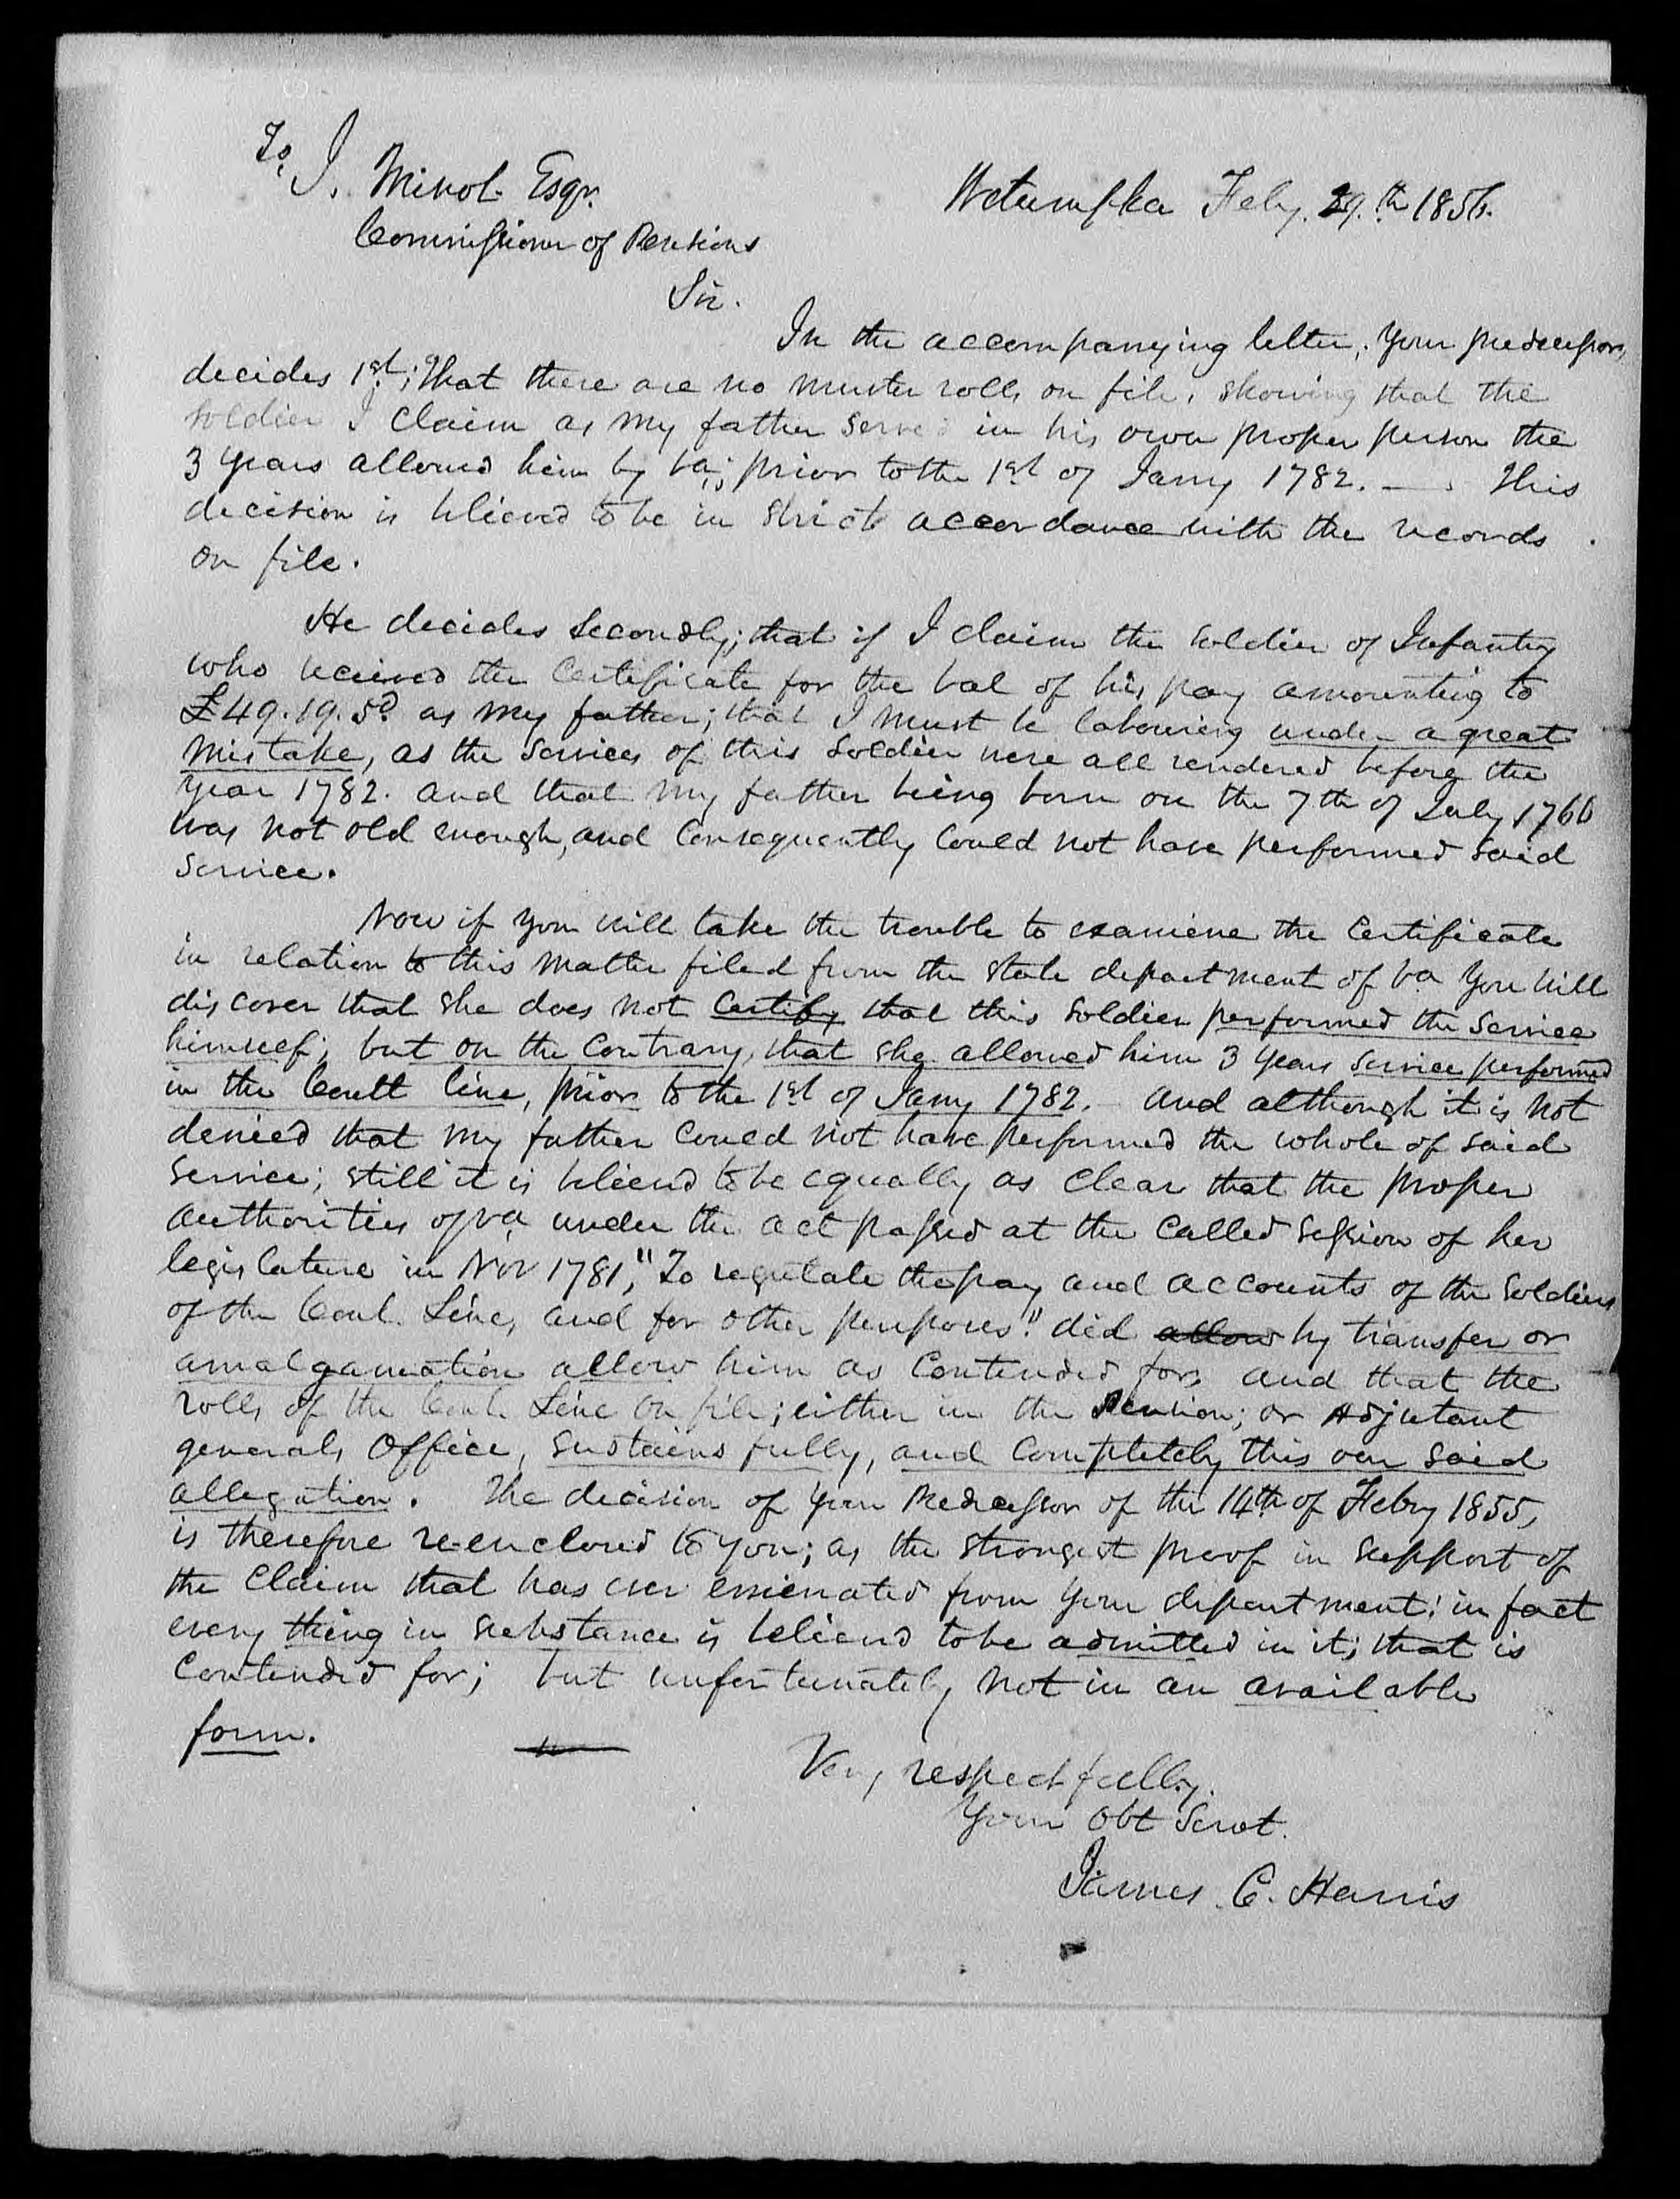Wetumpka Feby29th 1856
To J. Minot Esqr
Commissioner of Pensions

Sir
In the accompanying letter, your predecessor decides 1st; that there are no muster rolls on file, showing that the soldier I claim as my father served in his own proper person the 3 years allowed him by Va prior to the 1st day of Jany 1782.--This decision is believed to be in strict accordance with the records on file.
He decides Secondly; that if I claim the soldier of Infantry who received the certificate for the bal of his pay amounting to [pound sterling]49.19.5d as my father, that I must be labouring under a great mistake, as the services of this soldier were all tendered before the year 1782. And that my father being born on the 7th of July 1766 was not old enough, and consequently could not have performed said service.
Now if you will take the trouble to examine the Certificate in relation to this matter filed from the state department of Va, you will discover that she does not certify that this soldier performed the services himself, but on the contrary, that she allowed him 3 years service performed in the Contl line prior to the 1st of Jany 1782.  And although it is not denied that my father could not have performed the whole of said service, still it is believed to be equally as clear that the proper authorities of Va under the act passed at the called session of her legislature in Nov 1781, "To regulate the pay and accounts of the soldiers of the Cont Line, and for other purposes." did by transfer or amalgamation allow him as contended for, and that the rolls of the Cont  LIne on file, either in the Pension, or adjutant generals office, sustains fully, and completely this our said allegation.  The decision of your predecessor of the 14th of Feby 1855, is therefore re-enclosed to you, as the strongest proof in support of the claim that has ever emenated [sic] from your department; in fact every thing in substance is believed to be admitted in it, that is contended for; but unfortunately not in an available form.
Very respectfully
Your Obt Servt
James C. Harris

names: James C Harris, J Minot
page: 91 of 160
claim: rejected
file: R. 4666, James Harris, Va.